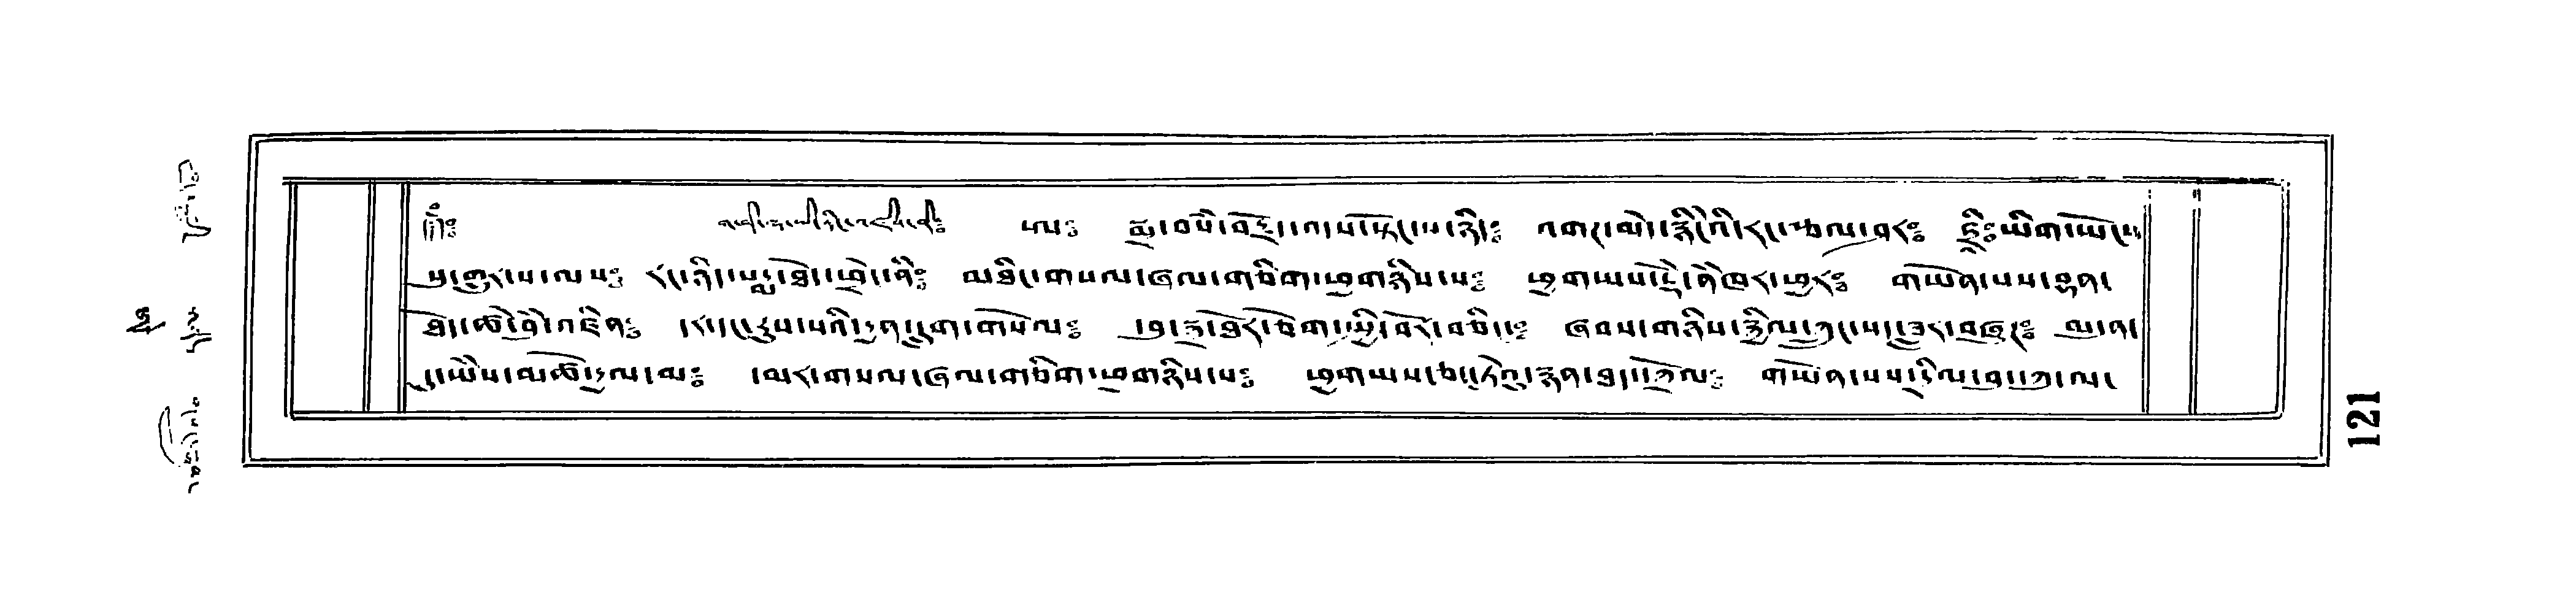གཞི་ལྷ་ཡི་ཏིང་འཛིན་ནི༔ ཨཱཿ སྨྲ་བསམ་བརྗོད་འདས་སྟོང་པ་ཉིད༔ འགག་མེད་སྙིང་རྗེའི་རང་རྩལ་ཤར༔ ཧྲཱིཿཡིག་ཡོངས་
སུ་གྱུར་པ་ལས༔ རང་ཉིད་པདྨ་ཐོད་ཕྲེང་ནི༔ མཐིང་གསལ་ཞལ་གཅིག་ཕྱག་གཉིས་པ༔ ཕྱག་གཡས་རྡོ་རྗེ་ནམ་མཁར་འཕྱར༔ གཡོན་པས་བྷན་
ཐོད་ཚེ་བུམ་འཛིན༔ དར་དང་རུས་པའི་རྒྱན་དྲུག་གསོལ༔ དབུ་སྐྲ་ཐོར་ཅོག་སྤྱི་བོར་བཅིངས༔ ཞབས་གཉིས་སྐྱིལ་ཀྲུང་པད་ཟླར་བཞུགས༔ མདུན་
དུ་ཡེ་ཤེས་མཚོ་རྒྱལ་མ༔ དམར་གསལ་ཞལ་གཅིག་ཕྱག་གཉིས་པ༔ ཕྱག་གཡས་ཅང་ཏེའུ་སྙན་ཐད་དཀྲོལ༔ གཡོན་པས་དྲིལ་བུད་ཀུ་ལ་